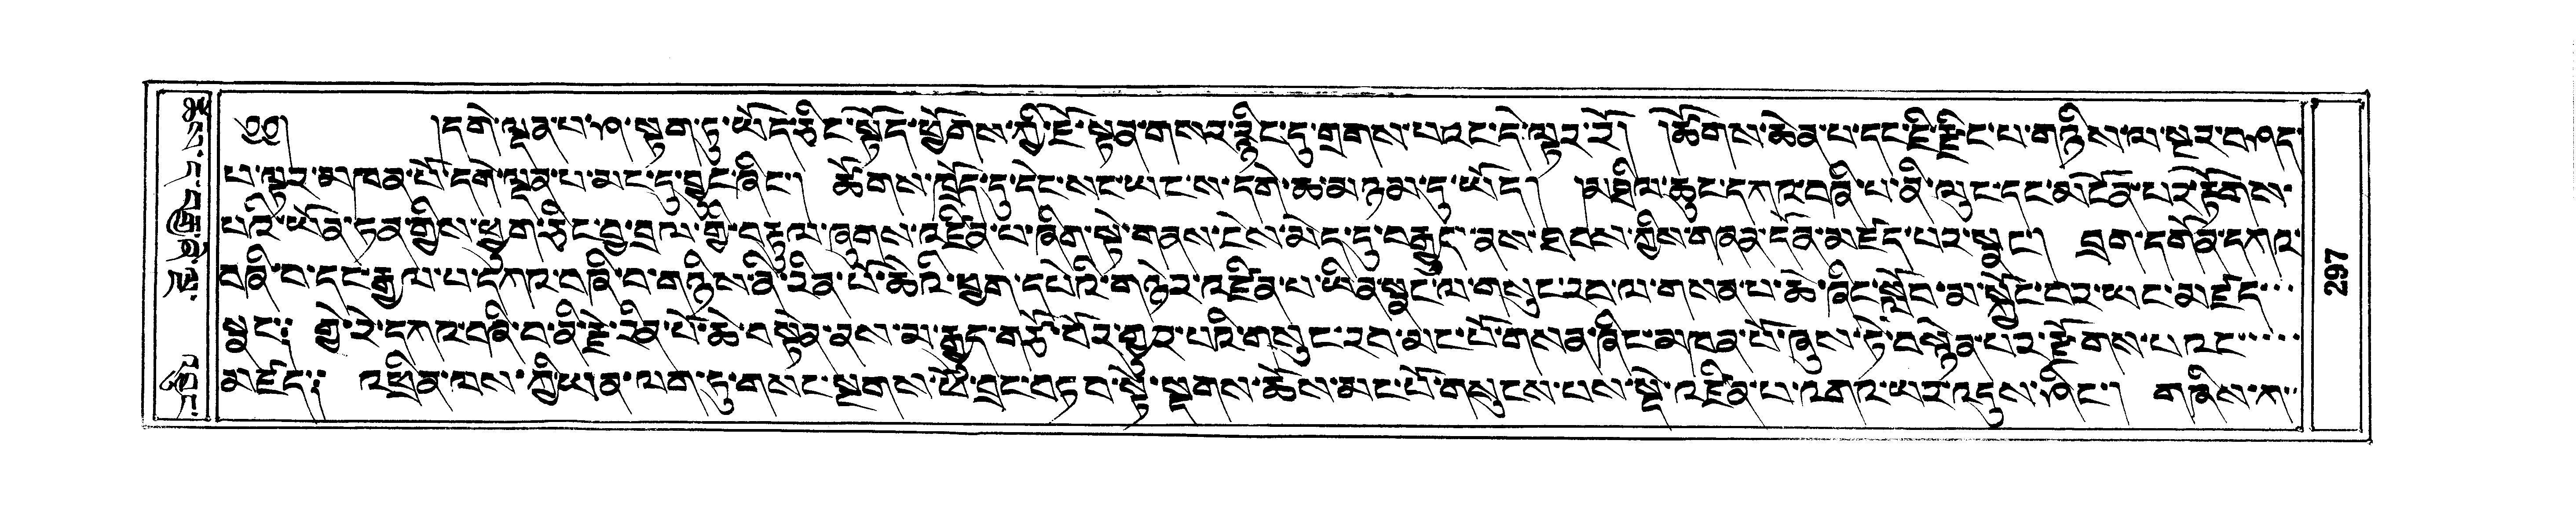༄༅། །དགེ་ལྡན་པ་ཤ་སྟག་ཏུ་ཡོད་ཅིང་སྟོད་ཕྱོགས་ཀྱི་ཇོ་སྟན་གསར་རྙིང་དུ་གྲགས་པའང་དེ་ལྟར་རོ། །ཚོགས་ཆེན་པ་དང་ཇི་རྫིང་པ་གཉིས་ལ་སྔར་བཤད་
པ་ལྟར་མཁན་པོ་དགེ་ལྡན་པ་མང་དུ་བྱུང་ཞིང་། ཚོགས་ཁྲོད་དུ་དེང་སང་ཡང་ས་དགེ་ཆ་མཉམ་དུ་ཡོད། །མཐིལ་ཆུང་དཀའ་བཞི་པ་ནི་ལུང་དང་མངོན་པར་རྟོགས་
པའི་ཡོན་ཏན་གྱིས་ཕྱུག་ཅིང་བྱ་བྲལ་གྱི་བརྟུལ་ཞུགས་འཛིན་པ་ཞིག་སྟེ་གནས་ངེས་མེད་དུ་བརྒྱུད་ནས་ཐབས་ཀྱིས་གཞན་དོན་མཛད་པར་སྣང་། བྲག་དགོན་དཀའ་
བཞི་བ་དང་རྒྱལ་པ་དཀའ་བཞི་བ་གཉིས་ནི་རིན་པོ་ཆེའི་ཕྱག་དཔེའི་གཉེར་འཛིན་པ་ཡིན་སྣང་ལ་གསུང་རབ་ལ་གསན་པ་ཆེ་ཞིང་སློབ་མ་སྐྱོང་བར་ཡང་མཛད་
སྣང༑ གྱེ་རེ་དཀའ་བཞི་བ་ནི་རྗེ་རིན་པོ་ཆེ་བསྟེན་ནས་མ་རྒྱུད་གཙོ་བོར་གྱུར་པའི་གསུང་རབ་མང་པོ་གསན་ཞིང་མཁན་པོ་ཞུས་ཏེ་བསྙེན་པར་རྫོགས་པའང་
མཛད༑ འཕྲིན་ལས་ཀྱི་ཡན་ལག་ཏུ་གསང་སྔགས་ཕོ་བྲང་བཏབ་སྟེ་སྔགས་ཆོས་མང་པོ་གསུངས་པས་སྡེ་འཛིན་པ་འགའ་ཡར་འདུས་ཤིང་། གཞིས་ཀ་